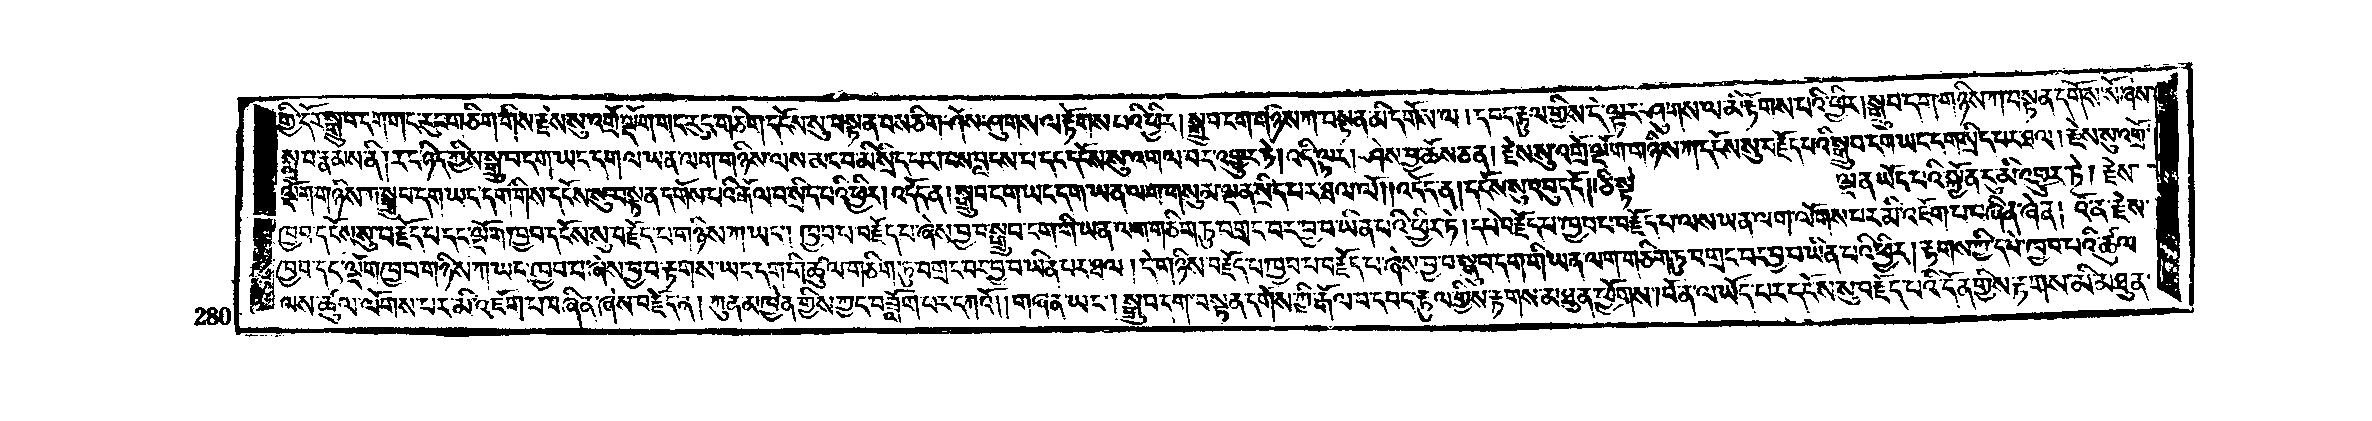གྱི་དེར་སྒྲུབ་དག་གང་རུང་གཅིག་གིས་རྗེས་སུ་འགྲོ་ལྡོག་གང་རུང་གཅིག་དངོས་སུ་བསྟན་པས་ཅིག་ཤོས་ཤུགས་ལ་རྟོགས་པའི་ཕྱིར། སྒྲུབ་དག་གཉིས་ཀ་བསྟན་མི་དགོས་ལ། དབང་རྟུལ་གྱིས་དེ་ལྟར་ཤུགས་ལ་མི་རྟོགས་པའི་ཕྱིར། སྒྲུབ་དག་གཉིས་ཀ་བསྟན་དགོས་སོ་ཞེས་
སྨྲ་བ་རྣམས་ནི། རང་ཉིད་ཀྱིས་སྒྲུབ་དག་ཡང་དག་ལ་ཡན་ལག་གཉིས་ལས་མང་བ་མི་སྲིད་པར་ཁས་བླངས་པ་དང་དངོས་སུ་འགལ་བར་འགྱུར་ཏེ། འདི་ལྟར། ཤེས་བྱ་ཆོས་ཅན། རྗེས་སུ་འགྲོ་ལྡོག་གཉིས་ཀ་དངོས་སུ་བརྗོད་པའི་སྒྲུབ་དག་ཡང་དག་སྲིད་པར་ཐལ། རྗེས་སུ་འགྲོ་
ལྡོག་གཉིས་ཀ་སྒྲུབ་དག་ཡང་དག་གིས་དངོས་སུ་བསྟན་དགོས་པའི་རྒོལ་བ་སྲིད་པའི་ཕྱིར། འདོད་ན། སྒྲུབ་དག་ཡང་དག་ཡན་ལག་གསུམ་ལྡན་སྲིད་པར་ཐལ་ལོ། །འདོད་ན། དངོས་སུ་འབུད་དོ། །ཅི་སྟེ་སྒྲུབ་དག་ཡན་ལག་གསུམ་ལྡན་ཡོད་པའི་སྐྱོན་དུ་མི་འགྱུར་ཏེ། རྗེས་
ཁྱབ་དངོས་སུ་བརྗོད་པ་དང་ལྡོག་ཁྱབ་དངོས་སུ་བརྗོད་པ་གཉིས་ཀ་ཡང་། ཁྱབ་པ་བརྗོད་པ་ཞེས་བྱ་བ་སྒྲུབ་དག་གི་ཡན་ལག་གཅིག་ཏུ་བགྲང་བར་བྱ་བ་ཡིན་པའི་ཕྱིར་ཏེ། དཔེ་བརྗོད་པ་ཁྱབ་པ་བརྗོད་པ་ལས་ཡན་ལག་ལོགས་པར་མི་འཇོག་པ་བཞིན་ཞེ་ན། འོ་ན་རྗེས་
ཁྱབ་དང་ལྡོག་ཁྱབ་གཉིས་ཀ་ཡང་ཁྱབ་པ་ཞེས་བྱ་བ་རྟགས་ཡང་དག་གི་ཚུལ་གཅིག་ཏུ་བགྲང་བར་བྱ་བ་ཡིན་པར་ཐལ། དེ་གཉིས་བརྗོད་པ་ཁྱབ་པ་བརྗོད་པ་ཞེས་བྱ་བ་སྒྲུབ་དག་གི་ཡན་ལག་གཅིག་ཏུ་བགྲང་བར་བྱ་བ་ཡིན་པའི་ཕྱིར། རྟགས་ཀྱི་དཔེ་ཁྱབ་པའི་ཚུལ་
ལས་ཚུལ་ལོགས་པར་མི་འཇོག་པ་བཞིན་ཞེས་བརྗོད་ན། ཀུན་མཁྱེན་གྱིས་ཀྱང་བཟློག་པར་དཀའོ། །གཞན་ཡང་། སྒྲུབ་དག་བསྟན་དགོས་ཀྱི་རྒོལ་བ་དབང་རྟུལ་གྱིས་རྟགས་མཐུན་ཕྱོགས་ཁོ་ན་ལ་ཡོད་པར་དངོས་སུ་བརྗོད་པའི་དོན་གྱིས་རྟགས་མི་མཐུན་